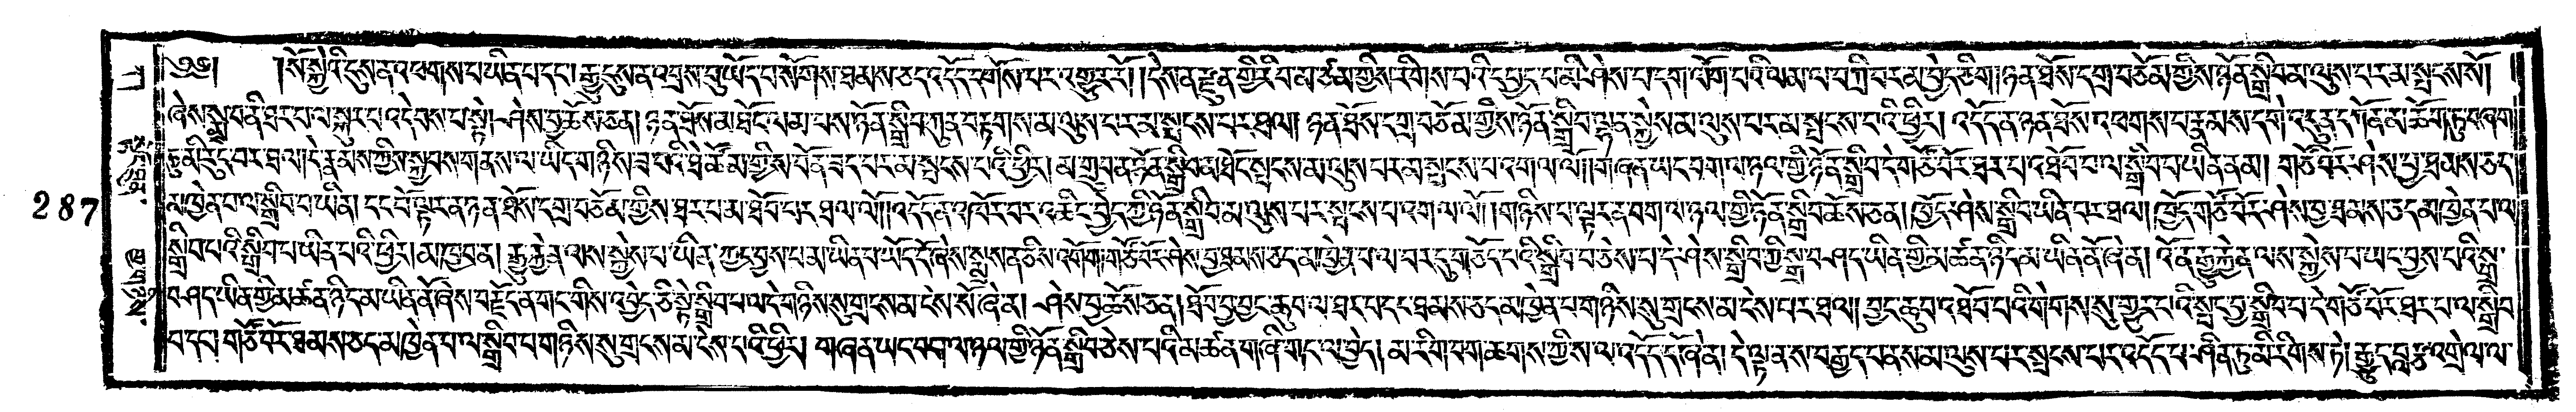༄༅། །སོ་སྐྱེའི་དུས་ན་འཕགས་པ་ཡིན་པ་དང་། རྒྱུ་དུས་ན་འབྲས་བུ་ཡོད་པ་སོགས་ཐམས་ཅད་འདོད་དགོས་པར་འགྱུར་རོ། །དེས་ན་རྫུན་གྱི་རིབ་མ་ཙམ་གྱིས་རིགས་པའི་དཔྱད་པ་མི་ཤེས་པ་དག་ལོག་པའི་ལམ་ལ་བཀྲི་བར་མ་བྱེད་ཅིག །ཉན་ཐོས་དགྲ་བཅོམ་གྱིས་ཉོན་སྒྲིབ་མ་ལུས་པར་མ་སྤངས་སོ།
ཞེས་སྨྲ་བ་ནི་ཐར་པ་ལ་སྐུར་པ་འདེབས་པ་སྟེ། ཤེས་བྱ་ཆོས་ཅན། ཉན་ཐོས་མཐོང་ལམ་པས་ཉོན་སྒྲིབ་ཀུན་བརྟགས་མ་ལུས་པར་མ་སྤངས་པར་ཐལ། ཉན་ཐོས་དགྲ་བཅོམ་གྱིས་ཉོན་སྒྲིབ་ལྷན་སྐྱེས་མ་ལུས་པར་མ་སྤངས་པའི་ཕྱིར། འདོད་ན་ཉན་ཐོས་འཕགས་པ་རྣམས་དགེ་འདུན་དཀོན་མཆོག་ཏུ་བཞག་
ཏུ་མི་རུང་བར་ཐལ། དེ་རྣམས་ཀྱིས་སྐྱབས་གནས་ལ་ཡིད་གཉིས་ཟ་བའི་ཐེ་ཚོམ་གྱི་ས་བོན་ཟད་པར་མ་སྤངས་པའི་ཕྱིར། མ་གྲུབ་ན་ཉོན་སྒྲིབ་མཐོང་སྤངས་མ་ལུས་པར་མ་སྤངས་པ་འགལ་ལོ། །གཞན་ཡང་བག་ལ་ཉལ་གྱི་ཉོན་སྒྲིབ་དེ་གཙོ་བོར་ཐར་པ་འཐོབ་པ་ལ་སྒྲིབ་པ་ཡིན་ནམ། གཙོ་བོར་ཤེས་བྱ་ཐམས་ཅད་
མཁྱེན་པ་ལ་སྒྲིབ་པ་ཡིན། དང་པོ་ལྟར་ན་ཉན་ཐོས་དགྲ་བཅོམ་གྱིས་ཐར་པ་མ་ཐོབ་པར་ཐལ་ལོ། །འདོད་ན་འཁོར་བར་འཆིང་བྱེད་ཀྱི་ཉོན་སྒྲིབ་མ་ལུས་པར་སྤངས་པ་འགལ་ལོ། །གཉིས་པ་ལྟར་ན་བག་ལ་ཉལ་གྱི་ཉོན་སྒྲིབ་ཆོས་ཅན། ཁྱོད་ཤེས་སྒྲིབ་ཡིན་པར་ཐལ། ཁྱོད་གཙོ་བོར་ཤེས་བྱ་ཐམས་ཅད་མཁྱེན་པ་ལ་
སྒྲིབ་པའི་སྒྲིབ་པ་ཡིན་པའི་ཕྱིར། མ་ཁྱབ་ན། རྒྱུ་རྐྱེན་ལས་སྐྱེས་པ་ཡིན་ཀྱང་བྱས་པ་མ་ཡིན་པ་ཡོད་དོ་ཞེས་སྨྲས་ན་ཅིས་འགོག། གཙོ་བོར་ཤེས་བྱ་ཐམས་ཅད་མཁྱེན་པ་ལ་བར་དུ་གཅོད་པའི་སྒྲིབ་པ་ཅེས་པ་དེ་ཤེས་སྒྲིབ་ཀྱི་སྒྲ་བཤད་ཡིན་གྱི་མཚན་ཉིད་མ་ཡིན་ནོ་ཞེ་ན། འོ་ན་རྒྱུ་རྐྱེན་ལས་སྐྱེས་པ་ཡང་བྱས་པའི་སྒྲ་
བཤད་ཡིན་གྱི་མཚན་ཉིད་མ་ཡིན་ནོ་ཞེས་བརྗོད་ན་གང་གིས་འབྱེད་ཅི་སྟེ་སྒྲིབ་པ་ལ་དེ་གཉིས་སུ་གྲངས་མ་ངེས་སོ་ཞེ་ར། ཤེས་བྱ་ཆོས་ཅན། ཐོབ་བྱ་བྱང་ཆུབ་ལ་ཐར་པ་དང་ཐམས་ཅད་མཁྱེན་པ་གཉིས་སུ་གྲངས་མ་ངེས་པར་ཐལ། བྱང་ཆུབ་འཐོབ་པའི་གེགས་སུ་གྱུར་པའི་སྤང་བྱ་སྒྲིབ་པ་དེ་གཙོ་བོར་ཐར་པ་ལ་སྒྲིབ་
བ་དང་། གཙོ་བོར་ཐམས་ཅད་མཁྱེན་པ་ལ་སྒྲིབ་པ་གཉིས་སུ་གྲངས་མ་ངེས་པའི་ཕྱིར། གཞན་ཡང་བག་ལ་ཉལ་གྱི་ཉོན་སྒྲིབ་ཅེས་པའི་མཚན་གཞི་གང་ལ་བྱེད། མ་རིག་བག་ཆགས་ཀྱིས་ལ་འདོད་དོ་ཞེ་ན། དེ་ལྟ་ན་ས་བརྒྱད་པ་ནས་མ་ལུས་པར་སྤངས་པར་འདོད་པ་ཤིན་ཏུ་མི་རིགས་ཏེ། རྒྱུད་བླ་རྩ་འགྲེལ་ལ་